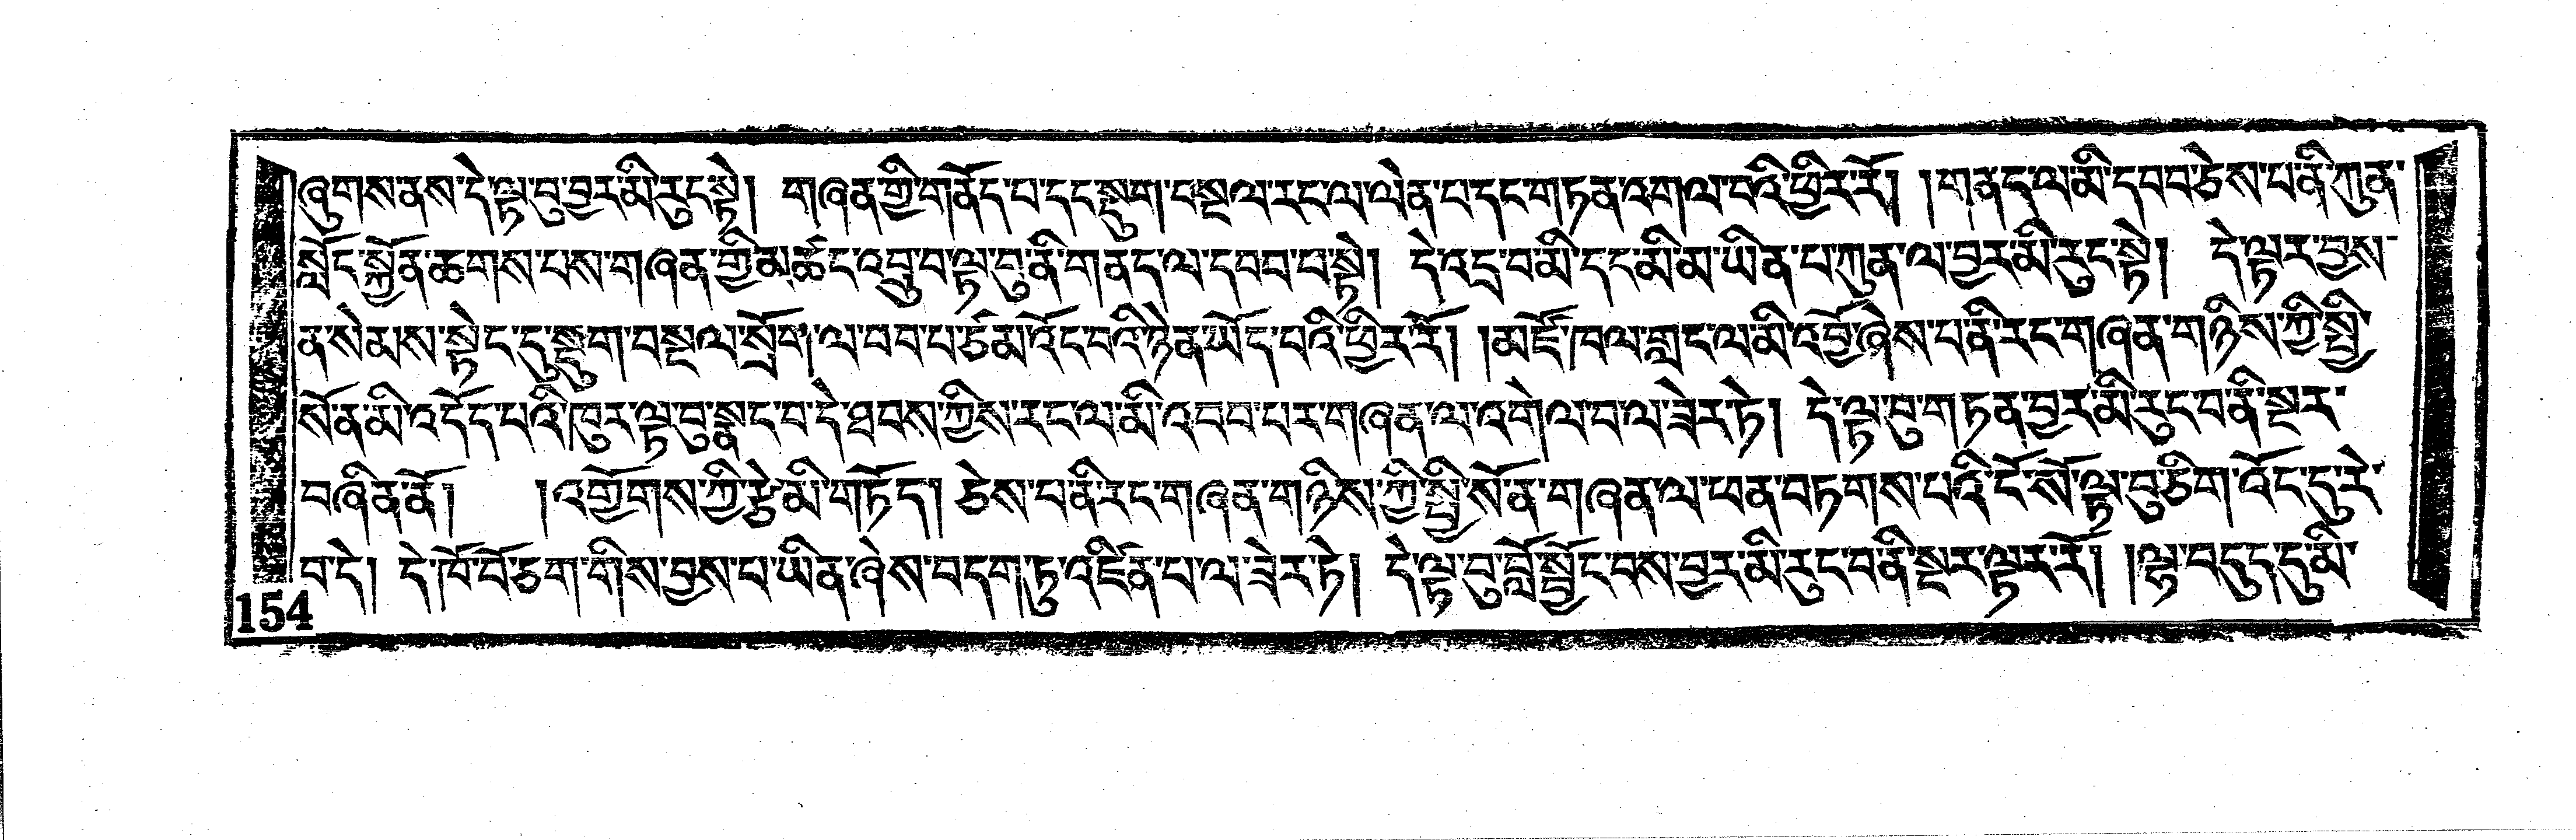ཞུགས་ནས་དེ་ལྟ་བུ་བྱར་མི་རུང་སྟེ། གཞན་གྱི་གནོད་པ་དང་སྡུག་བསྔལ་རང་ལ་ལེན་པ་དང་གཏན་འགལ་བའི་ཕྱིར་རོ། །གནད་ལ་མི་དབབ་ཅེས་པ་ནི་ཀུན་
སློང་སྐྱོན་ཆགས་པས་གཞན་གྱི་མཚང་འབྲུ་བ་ལྟ་བུ་ནི་གནད་ལ་དབབ་པ་སྟེ། དེ་འདྲ་བ་མི་དང་མི་མ་ཡིན་པ་ཀུན་ལ་བྱར་མི་རུང་སྟེ། དེ་ལྟར་བྱས་
ན་སེམས་སྟེང་དུ་སྡུག་བསྔལ་སྲོག་ལ་བབ་པ་ཙམ་འོང་བའི་ཉེན་ཡོད་པའི་ཕྱིར་རོ། །མཛོ་ཁལ་གླང་ལ་མི་འབྱོ་ཞེས་པ་ནི་རང་གཞན་གཉིས་ཀྱི་སྤྱི་
སོ་ན་མི་འདོད་པའི་ཁུར་ལྟ་བུ་སྣང་བ་དེ་ཐབས་ཀྱིས་རང་ལ་མི་འབབ་པར་གཞན་ལ་འགེལ་བ་ལ་ཟེར་ཏེ། དེ་ལྟ་བུ་གཏན་བྱར་མི་རུང་བ་ནི་སྔར་
བཞིན་ནོ། །འགྱོགས་ཀྱི་རྩེ་མི་གཏོད། ཅེས་པ་ནི་རང་གཞན་གཉིས་ཀྱི་སྤྱི་སོ་ན་གཞན་ལ་ཕན་བཏགས་པའི་ངོ་སོ་ལྟ་བུ་ཅིག་འོང་དུ་རེ་
བ་དེ། དེ་ཁོ་བོ་ཅག་གིས་བྱས་པ་ཡིན་ཞེས་བདག་ཏུ་འཛིན་པ་ལ་ཟེར་ཏེ། དེ་ལྟ་བུ་བློ་སྦྱོང་བས་བྱར་མི་རུང་བ་ནི་སྔར་ལྟར་རོ། །ལྷ་བདུད་དུ་མི་